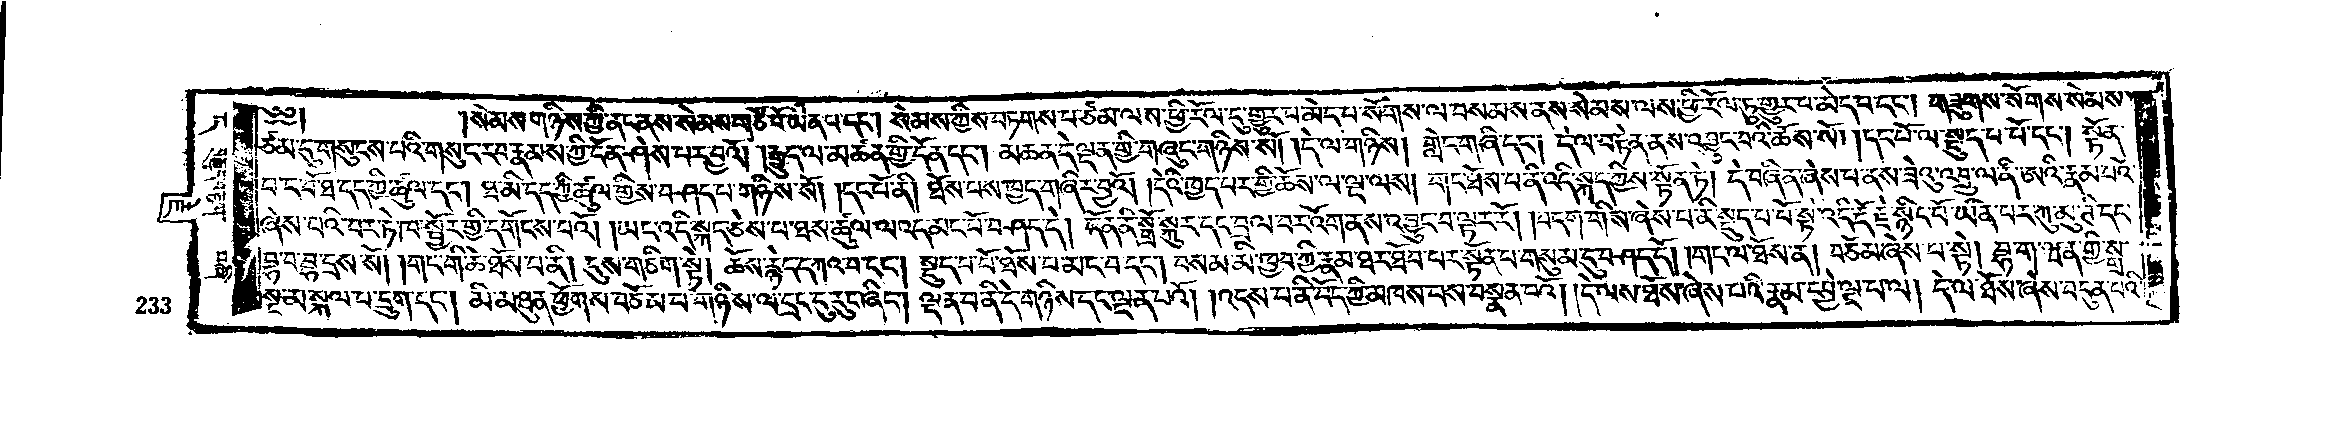༄༅། །སེམས་གཉིས་ཀྱི་ནང་ནས་སེམས་གཙོ་བོ་ཡིན་པ་དང་། སེམས་ཀྱིས་བཏགས་པ་ཙམ་ལས་ཕྱི་རོལ་དུ་གྱུར་པ་མེད་པ་སོགས་ལ་བསམས་ནས་སེམས་ལས་ཕྱི་རོལ་ཏུ་གྱུར་པ་མེད་པ་དང་། གཟུགས་སོགས་སེམས་
ཙམ་དུ་གསུངས་པའི་གསུང་རབ་རྣམས་ཀྱི་དོན་ཤེས་པར་བྱའོ། །རྒྱུད་ལ་མཚན་གྱི་དོན་དང་། མཚན་དེ་ལྡན་གྱི་གཞུང་གཉིས་སོ། །དེ་ལ་གཉིས། གླེང་གཞི་དང་། དེ་ལ་བརྟེན་ནས་འབྱུང་བའི་ཆོས་སོ། །དང་པོ་ལ་སྡུད་པ་པོ་དང་། སྟོན་
པ་ངོ་བོ་ཐ་དད་ཀྱི་ཚུལ་དང་། ཐ་མི་དད་ཀྱི་ཚུལ་གྱིས་བཤད་པ་གཉིས་སོ། །དང་པོ་ནི། ཐོས་པས་ཁྱད་གཞིར་བྱའོ། །དེའི་ཁྱད་པར་གྱི་ཆོས་ལ་ལྔ་ལས། གང་ཐོས་པ་ནི་འདི་སྐད་ཀྱིས་སྟོན་ཏེ། དེ་བཞིན་ཞེས་པ་ནས་ཟེའུ་འབྲུ་ལ་ནི་ཨཱི་རྣམ་པའོ་
ཞེས་པའི་བར་ཏེ་ཁ་སྦྱོར་གྱི་དགོངས་པའོ། །ཡང་འདི་སྐད་ཅེས་པ་ཐས་ཚུལ་ལའང་མང་པོ་བཤད་དེ། དོན་ནི་སྒྲོ་སྐུར་དང་བྲལ་བར་འོག་ནས་འབྱུང་བ་ལྟར་རོ། །བདག་གིས་ཞེས་པ་ནི་སྡུད་པ་པོ་སྟེ་འདི་རྡོ་རྗེ་སྙིང་པོ་ཡིན་པར་ཀུ་མུ་ཊི་དང་
བྷ་བ་བྷ་དྲས་སོ། །གང་གི་ཆེ་ཐོས་པ་ནི། དུས་གཅིག་སྟེ། ཆོས་རྙེད་དཀའ་བ་དང་། སྡུད་པ་པོ་ཐོས་པ་མང་བ་དང་། བསམ་མི་ཁྱབ་ཀྱི་རྣམ་ཐར་ཐོབ་པར་སྟོན་པ་གསུམ་དུ་བཤད་དོ། །གང་ལ་ཐོས་ན། བཅོམ་ཞེས་པ་སྟེ། བྷ་ག་ཝན་གྱི་སྒྲ་
སྔ་མ་སྐལ་པ་དྲུག་དང་། མི་མཐུན་ཕྱོགས་བཅོམ་པ་གཉིས་ལ་དྲང་དུ་རུང་ཞིང་། ལྡན་པ་ནི་དེ་གཉིས་དང་ལྡན་པའོ། །འདས་པ་ནི་བོད་ཀྱི་མཁས་པས་བསྣན་པའོ། །དེ་ལས་ཐོས་ཞེས་པའི་རྣམ་དབྱེ་ལྔ་པ་ལ། དེ་ལ་ཐོས་ཞེས་བདུན་པའི་